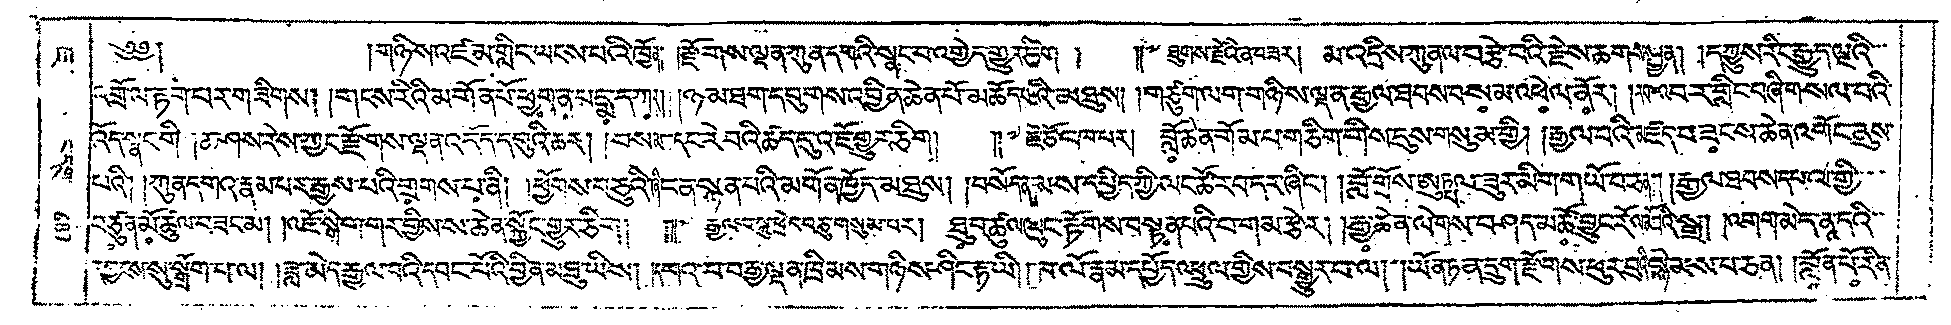༄༅། །གཉིས་འཛམ་གླིང་ཡངས་པའི་ཁྱོན། །རྫོགས་ལྡན་ཀུན་དགའི་སྣང་བ་འགྱེད་གྱུར་ཅིག ། །།༧ཐུགས་རྗེའི་ན་བཟར།  མ་འདྲིས་ཀུན་ལ་བརྩེ་བའི་རྗེས་ཆགས་སྤྱན། །དཀྱུས་རིང་རྒྱུད་ལྔའི་
འགྲོ་ལ་རྟག་པར་གཟིགས། །གངས་རིའི་མགོན་པོ་ཕྱག྾་ན྾་པདམ྾་དཀར྾། །ཉམ་ཐག་དབུགས་འབྱིན་ཆེན་པོ་མཆོད་པའི་མཐུས། །གཙུག་ལག་གཉིས་ལྡན་རྒྱལ་ཐབས་བསམ྾་འཕེལ྾་ནོར྾། །རབ་འབར་གླིང་བཞི་གསལ་བའི་
འོད་སྣང་གི །ཆ་ཤས་རེས་ཀྱང་རྫོགས་ལྡན་འདོད་དགུའི་ཆར། །བསམ་དང་རེ་བའི་ཚད་དུ་འཇོ་གྱུར་ཅིག ། །།༧་རྗེ་ཙོང་ཁ་པར།  བློ྾་ཆེན་གོམ་པ་གཅིག་གིས་དུས་གསུམ་གྱི། །རྒྱལ་བའི་མཛད་བཟང྾་ས་ཆེན་འགོང་ནུས་
པའི། །ཀུན་དགའ་རྣམ་པར་རྒྱས་པའི་གྲགས྾་པ྾་ནི། །ཕྱོགས་བཅུའི་ཞིང་ན་སྙན་པའི་མགོན་ཁྱོད་མཐུས། །བསོད་ནམས་དཔྱིད་ཀྱི་ལང་ཚོ་རབ་དར་ཞིང་། །བློ་གྲོས་ཨུཏྤལ་ཟུར་མིག་གཡོ་བ་ཅན། །རྒྱལ་ཐབས་དཔལ་གྱི་
བཙུན྾་མོ྾་ཚུལ་བཟང་མ། །འཇོ་སྒེག་གར་གྱིས་ས་ཆེན་སྐྱོང་གྱུར་ཅིག ། །།༧་རྒྱལ་བ་སྐུ་ཕྲེང་བཅུ་གསུམ་པར།  ཐུབ྾་ཚུལ་ལུང་རྟོགས་བསྟན྾་པའི་བ་གམ་རྩེར། །རྒྱ྾་ཆེན་ལེགས་བཤད་མཚོ྾་བྱུང་རོལ་མོའི་སྒྲ། །འགག་མེད་ནཱ་དའི་
དབྱངས་སུ་སྒྲོག་པ་ལ། །ཟླ་མེད་རྒྱལ་བའི་དབང་པོའི་བྱིན་མཐུ་ཡིས། །དགའ་བ་བརྒྱ་ལྡན་ཁྲིམས་གཉིས་ཤིང་རྟ་ཡི། །ཁ་ལོ་རྣམ་དཔྱོད་འཕྲུལ་གྱིས་བསྒྱུར་བ་ལ། །ཡོན་ཏན་དྲུག་རྫོགས་ཕུར་བུའི་སྙེམས་པ་ཅན། །བློན྾་པོ྾་རིན་